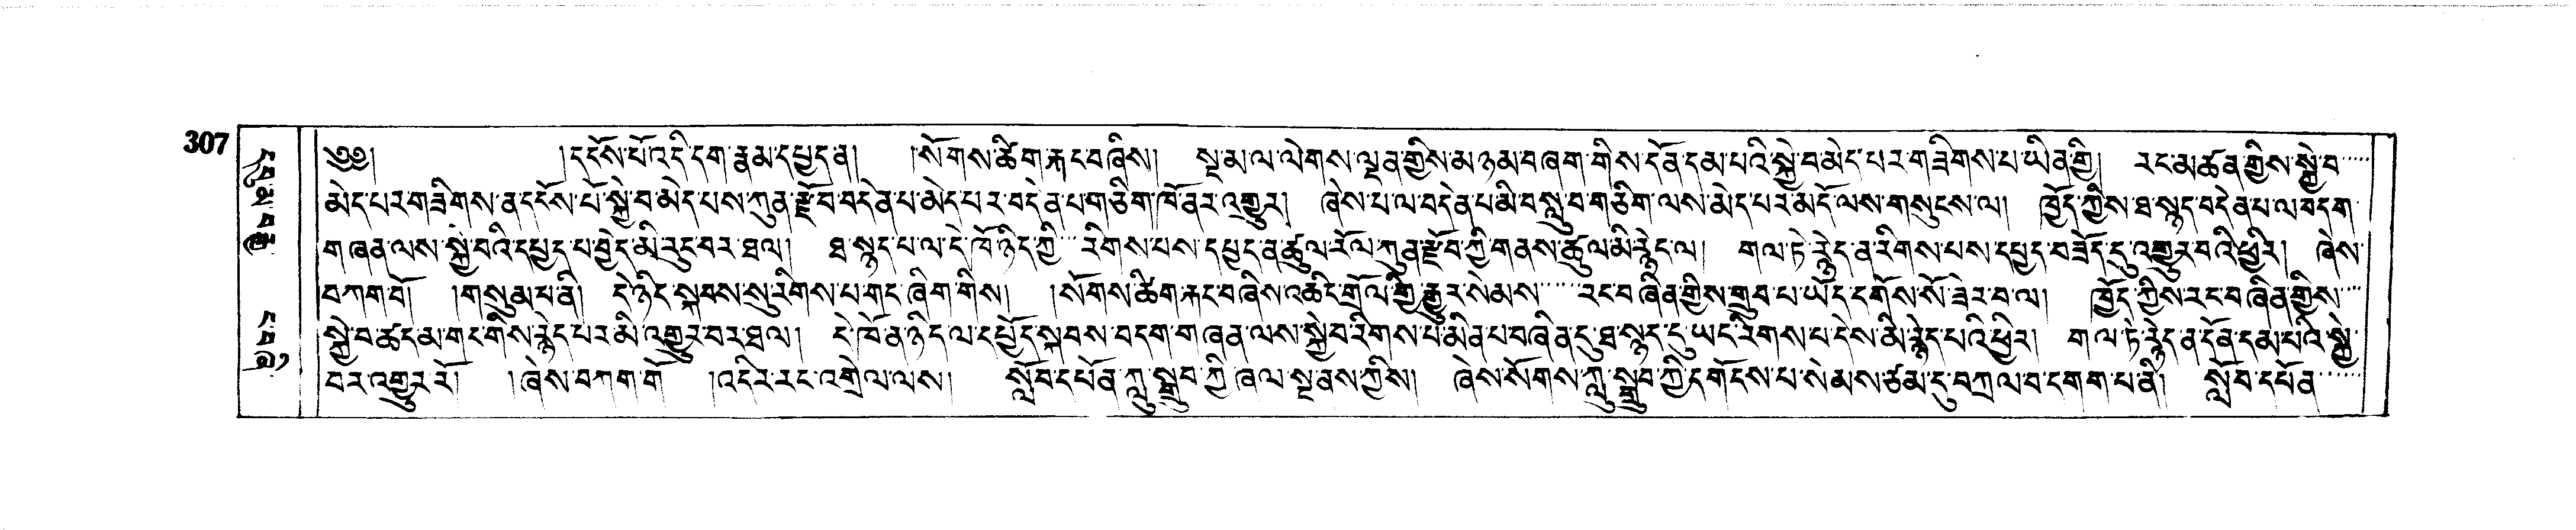༄༅། །དངོས་པོ་འདི་དག་རྣམ་དཔྱད་ན། །སོགས་ཚིག་རྐང་བཞིས། སྔ་མ་ལ་ལེགས་ལྡན་གྱིས་མཉམ་བཞག་གིས་དོན་དམ་པའི་སྐྱེ་བ་མེད་པར་གཟིགས་པ་ཡིན་གྱི། རང་མཚན་གྱིས་སྐྱེ་བ་
མེད་པར་གཟིགས་ན་དངོས་པོ་སྐྱེ་བ་མེད་པས་ཀུན་རྫོབ་བདེན་པ་མེད་པར་བདེན་པ་གཅིག་ཁོ་ནར་འགྱུར། ཞེས་པ་ལ་བདེན་པ་མི་བསླུ་བ་གཅིག་ལས་མེད་པར་མདོ་ལས་གསུངས་ལ། ཁྱོད་ཀྱིས་ཐ་སྙད་བདེན་པ་ལ་བདག་
གཞན་ལས་སྐྱེ་བའི་དཔྱད་པ་བྱེད་མི་རུང་བར་ཐལ། ཐ་སྙད་པ་ལ་དེ་ཁོ་ཉིད་ཀྱི་རིགས་པས་དཔྱད་ན་ཚུལ་རོལ་ཀུན་རྫོབ་ཀྱི་གནས་ཚུལ་མི་རྙེད་ལ། གལ་ཏེ་རྙེད་ན་རིགས་པས་དཔྱད་བཟོད་དུ་འགྱུར་བའི་ཕྱིར། ཞེས་
བཀག་བོ། །གསུམ་པ་ནི། དེ་ཉིད་སྐབས་སུ་རིགས་པ་གང་ཞིག་གིས། །སོགས་ཚིག་རྐང་བཞིས་འཆིང་གྲོལ་གྱི་རྒྱུར་སེམས་རང་བཞིན་གྱིས་གྲུབ་པ་ཡོད་དགོས་སོ་ཟེར་བ་ལ། ཁྱོད་ཀྱིས་རང་བཞིན་གྱིས་
སྐྱེ་བ་ཚད་མ་གང་གིས་རྙེད་པར་མི་འགྱུར་བར་ཐལ། དེ་ཁོ་ན་ཉིད་ལ་དཔྱོད་སྐབས་བདག་གཞན་ལས་སྐྱེ་བ་རིགས་པ་མིན་པ་བཞིན་དུ་ཐ་སྙད་དུ་ཡང་རིགས་པ་དེས་མི་རྙེད་པའི་ཕྱིར། གལ་ཏེ་རྙེད་ན་དོན་དམ་པའི་སྐྱེ་
བར་འགྱུར་རོ། །ཞེས་བཀག་གོ །འདིར་རང་འགྲེལ་ལས། སློབ་དཔོན་ཀླུ་སྒྲུབ་ཀྱི་ཞལ་སྔ་ནས་ཀྱིས། ཞེས་སོགས་ཀླུ་སྒྲུབ་ཀྱི་དགོངས་པ་སེམས་ཙམ་དུ་བཀྲལ་བ་དགག་པ་ནི། སློབ་དཔོན་